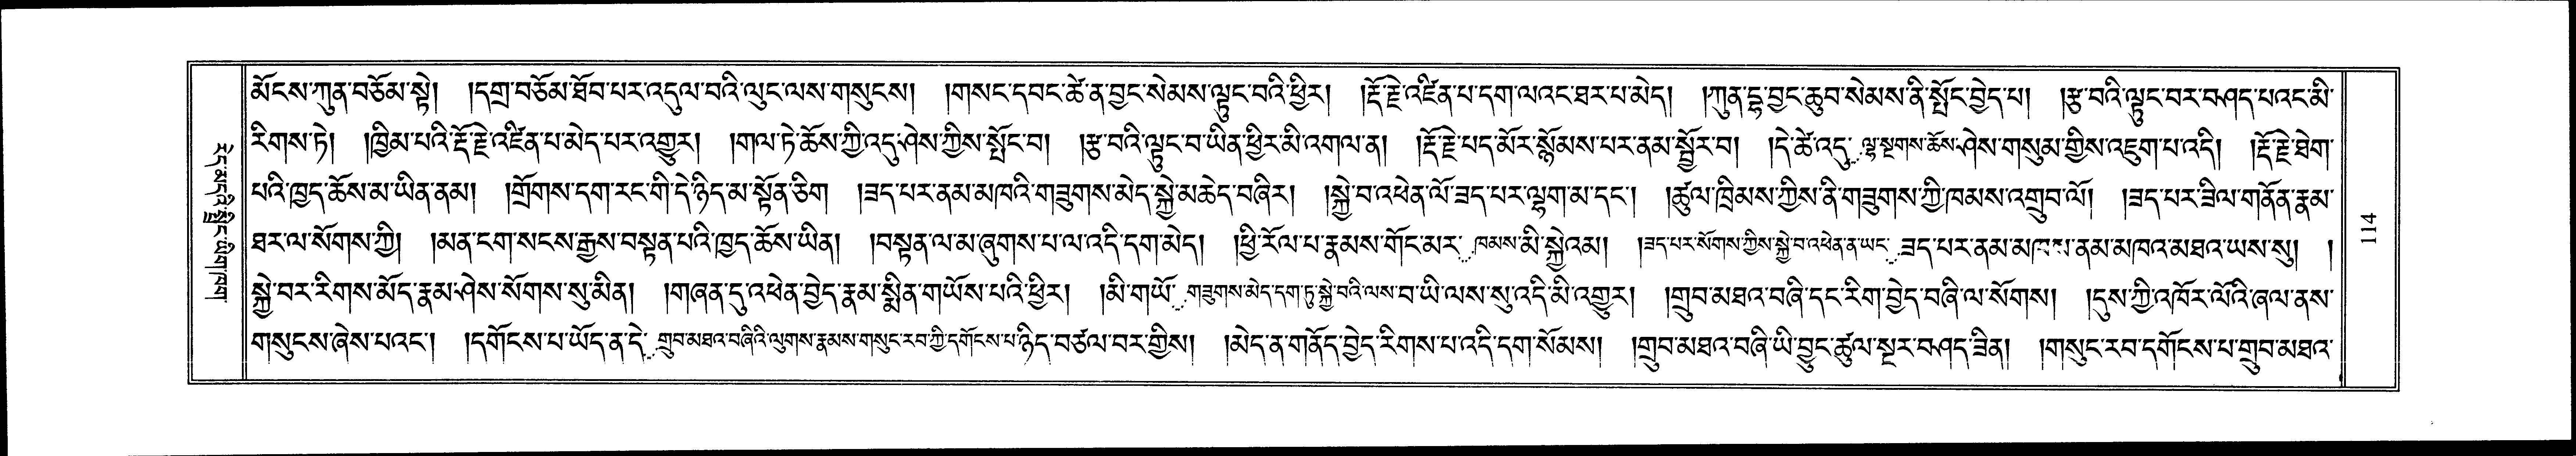མོངས་ཀུན་བཅོམ་སྟེ། །དགྲ་བཅོམ་ཐོབ་པར་འདུལ་བའི་ལུང་ལས་གསུངས། །གསང་དབང་ཚེ་ན་བྱང་སེམས་ལྟུང་བའི་ཕྱིར། །རྡོ་རྗེ་འཛིན་པ་དག་ལའང་ཐར་པ་མེད། །ཀུན་དྷ་བྱང་ཆུབ་སེམས་ནི་སྤོང་བྱེད་པ། །རྩ་བའི་ལྟུང་བར་བཤད་པའང་མི་
རིགས་ཏེ། །ཁྱིམ་པའི་རྡོ་རྗེ་འཛིན་པ་མེད་པར་འགྱུར། །གལ་ཏེ་ཆོས་ཀྱི་འདུ་ཤེས་ཀྱིས་སྤོང་བ། །རྩ་བའི་ལྟུང་བ་ཡིན་ཕྱིར་མི་འགལ་ན། །རྡོ་རྗེ་པད་མོར་སྙོམས་པར་ནམ་སྦྱོར་བ། །དེ་ཚེ་འདུ་ལྷ་སྔགས་ཆོས་ཤེས་གསུམ་གྱིས་འཇུག་པ་འདི། །རྡོ་རྗེ་ཐེག་
པའི་ཁྱད་ཆོས་མ་ཡིན་ནམ། །གྲོགས་དག་རང་གི་དེ་ཉིད་མ་སྟོན་ཅིག །ཟད་པར་ནམ་མཁའི་གཟུགས་མེད་སྐྱེ་མཆེད་བཞིར། །སྐྱེ་བ་འཕེན་ལོ་ཟད་པར་ལྷག་མ་དང་། །ཚུལ་ཁྲིམས་ཀྱིས་ནི་གཟུགས་ཀྱི་ཁམས་འགྲུབ་ལོ། །ཟད་པར་ཟིལ་གནོན་རྣམ་
ཐར་ལ་སོགས་ཀྱི། །མན་ངག་སངས་རྒྱས་བསྟན་པའི་ཁྱད་ཆོས་ཡིན། །བསྟན་ལ་མ་ཞུགས་པ་ལ་འདི་དག་མེད། །ཕྱི་རོལ་པ་རྣམས་གོང་མར་ཁམས་མི་སྐྱེའམ། །ཟད་པར་སོགས་ཀྱིས་སྐྱེ་བ་འཕེན་ན་ཡང་ཟད་པར་ནམ་མཁས་ནམ་མཁའ་མཐའ་ཡས་སུ།།
སྐྱེ་བར་རིགས་མོད་རྣམ་ཤེས་སོགས་སུ་མིན། །གཞན་དུ་འཕེན་བྱེད་རྣམ་སྨིན་གཡོས་པའི་ཕྱིར། །མི་གཡོ་གཟུགས་མེད་དག་ཏུ་སྐྱེ་བའི་ལས་བ་ཡི་ལས་སུ་འདི་མི་འགྱུར། །གྲུབ་མཐའ་བཞི་དང་རིག་བྱེད་བཞི་ལ་སོགས། །དུས་ཀྱི་འཁོར་ལོའི་ཞལ་ནས་
གསུངས་ཞེས་པའང་། །དགོངས་པ་ཡོད་ན་དེ་གྲུབ་མཐའ་བཞིའི་ལུགས་རྣམས་གསུང་རབ་ཀྱི་དགོངས་པ་ཉིད་བཙལ་བར་གྱིས། །མེད་ན་གནོད་བྱེད་རིགས་པ་འདི་དག་སོམས། །གྲུབ་མཐའ་བཞི་ཡི་བྱུང་ཚུལ་སྔར་བཤད་ཟིན། །གསུང་རབ་དགོངས་པ་གྲུབ་མཐའ་